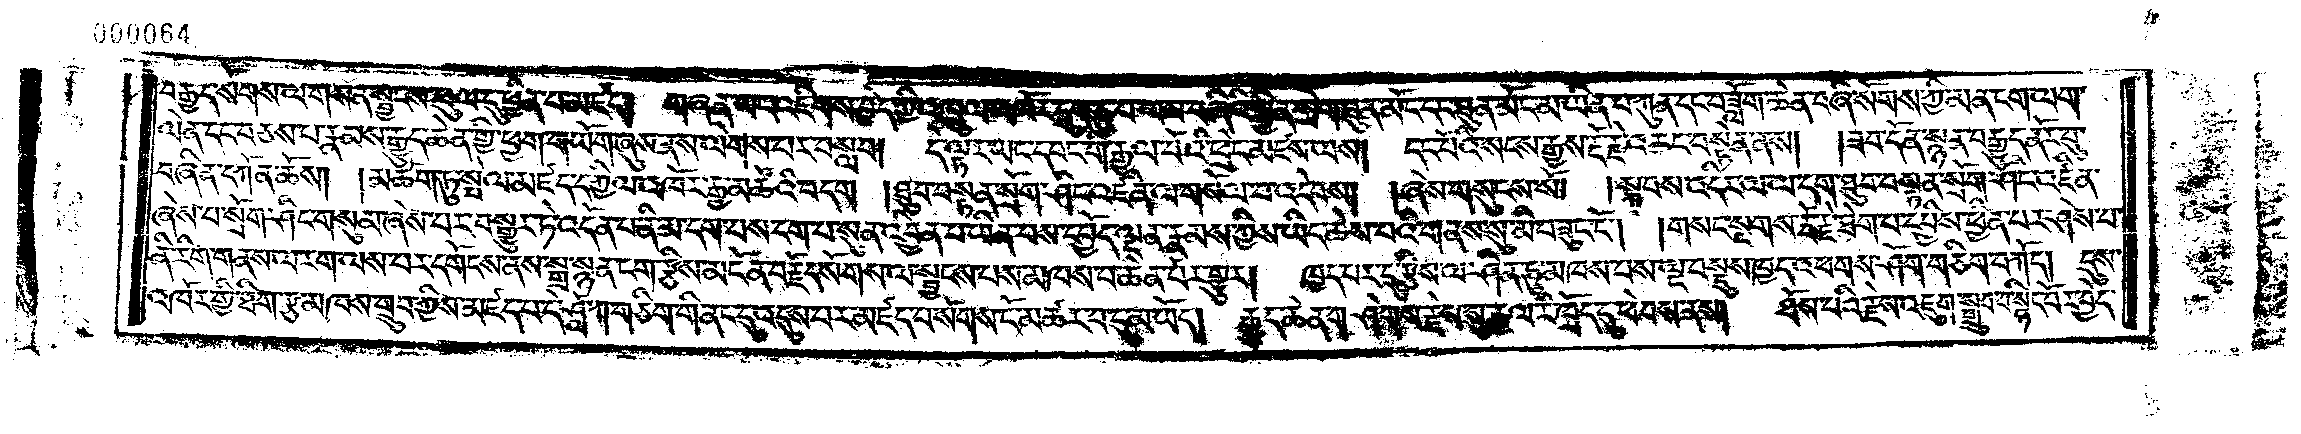བརྒྱད་སོགས་ལ་གསན་སྦྱངས་ཕུལ་དུ་ཕྱིན་པ་མཛད། གཞན་ཡང་འཇིགས་བྱེད་ཀྱི་འཁྲུལ་འཁོར་དྲུག་ཅུ་པ་ལས་བཞིའི་སྦྱིན་སྲེག་ཐུན་མོང་དང་ཐུན་མོང་མ་ཡིན་པ་ཀུན་དང་བཟློག་ཆེན་བཞི་སོགས་ཀྱི་མན་ངག་ལག་
ལེན་དང་བཅས་པ་རྣམས་རྒྱུད་ཆེན་གྱི་ཕྱག་གཡོག་ཞུས་ནས་ལེགས་པར་བསླབ། དེ་ལྟར་ཡང་དབང་གི་རྒྱལ་པོའི་ཕྲེང་མཛས་ལས། དང་པོའི་སངས་རྒྱས་རྡོ་རྗེ་འཆང་བསྟེན་ནས། །ཟབ་དོན་སྙན་བརྒྱུད་ནོར་བུ་
བཞིན་དཀོན་ཆོས། །མཆོག་ཏུ་སྤེལ་མཛད་དཀྱིལ་འཁོར་རྒྱ་མཚོའི་བདག །ཐུབ་བསྟན་སྲོག་ཤིང་འཛིན་ལ་གསོལ་བ་འདེབས། །ཞེས་གསུངས་སོ། །སྐབས་འདིར་ལ་ལ་དག་ཐུབ་བསྟན་སྲོག་ཤིང་འཛིན་
ཞེས་པ་སྲོག་ཤིང་གསུམ་ཞེས་པར་བསྒྱུར་ཏེ་འདོན་པ་ནི་མ་དག་པས་ངག་པ་སུན་འབྱིན་པ་ཡིན་པས་དཔྱོད་ལྡན་རྣམས་ཀྱིས་ཡིད་ཆེས་པའི་གནས་སུ་མི་བཟུང་ངོ། །གསང་སྔགས་རྡོ་རྗེ་ཐེག་པ་དཔྱིས་ཕྱིན་པར་ཤེས་པ་
ནི་རིག་གནས་ལ་རག་ལས་པར་དགོངས་ནས་སྒྲ་སྙན་ངག་རྩིས་མངོན་བརྗོད་སོགས་ལ་སྦྱངས་པས་མཁས་པ་ཆེན་པོར་གྱུར། ཁྱད་པར་དུ་རྩིས་ལ་ཤིན་ཏུ་མཁས་པས་ལྔ་བསྡུས་ཁྱད་འཕགས་ཤོག་གཅིག་བཀོད། དུས་
འཁོར་གྱི་ཐིག་རྩ་མཁས་གྲུབ་ཀྱིས་མཛད་པ་དེ་ཤློ་ཀ་གཅིག་གི་ནང་དུ་འདུས་པར་མཛད་པ་སོགས་ངོ་མཚར་བ་དུ་མ་ཡོད། རྒྱུད་ཆེན་གཤེགས་རྗེས་སུ་རྒྱལ་རི་ཁྲོད་དུ་ཕེབས་ནས། ཐོས་པའི་རྗེས་འཇུག་སྒྲུབ་པ་སྙིང་པོར་བྱེད་